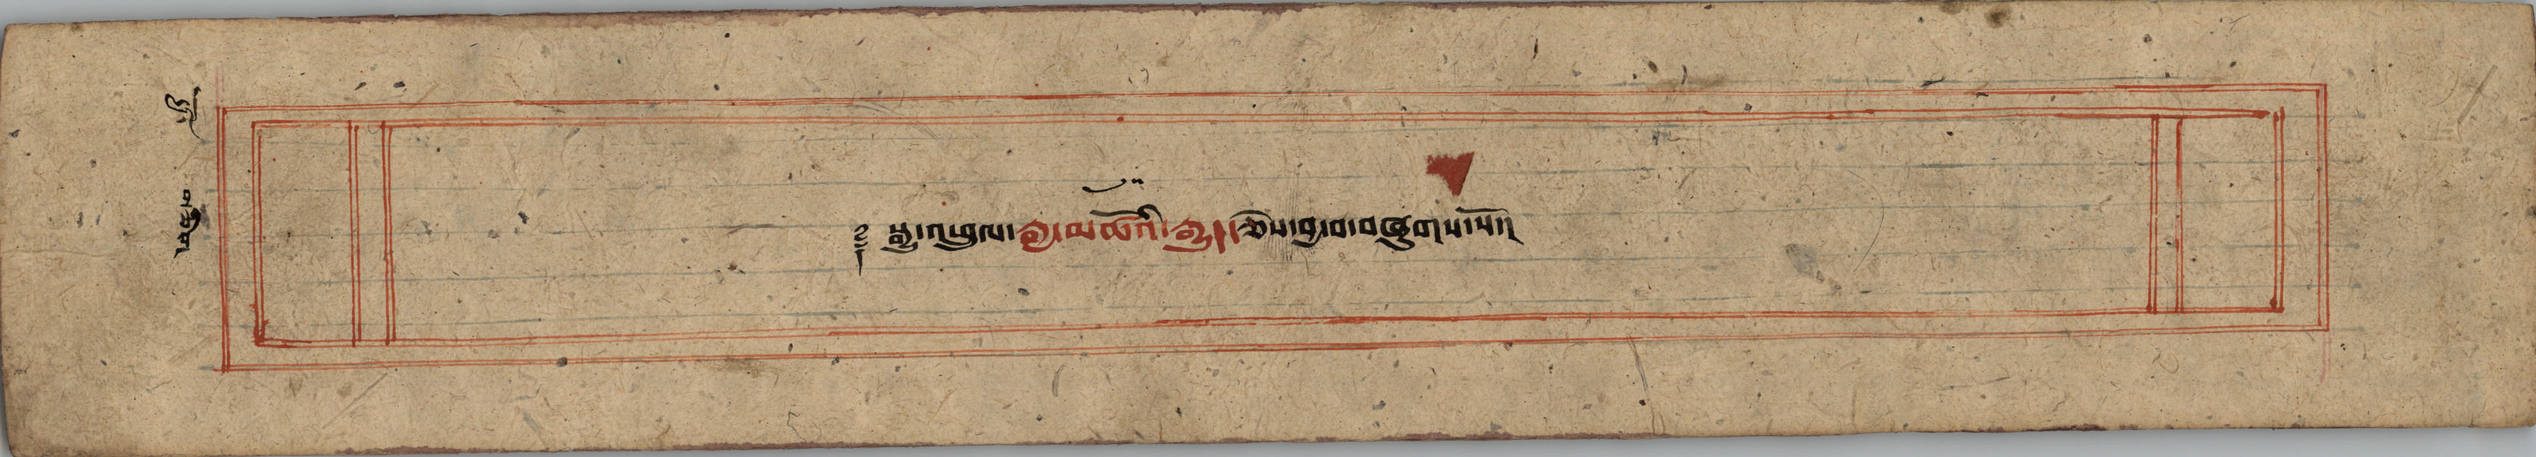࿑ སྒྱུ་འཕྲུལ་རྒྱ་མཚོའི་རྒྱུད་ཅེས་བྱ་བ་བཞུགས་སོ་།